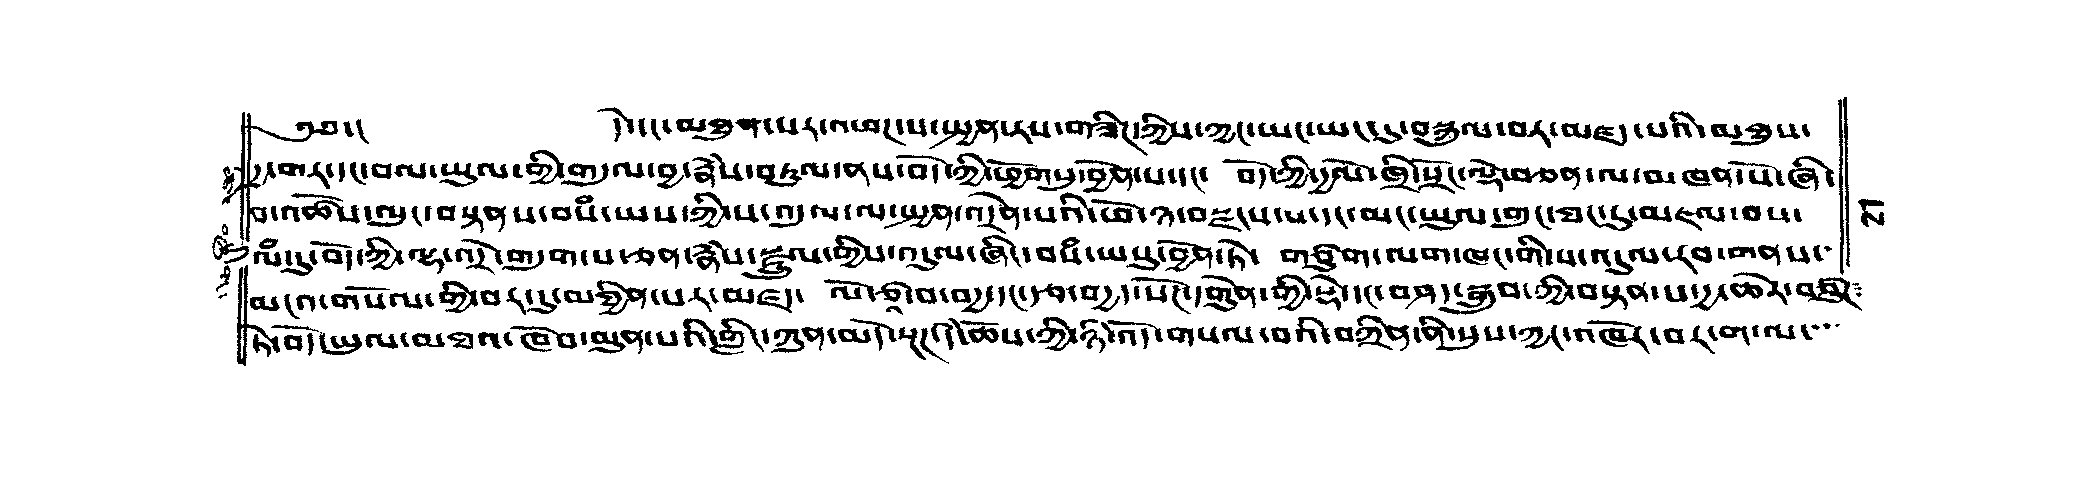དེ་དང་མཐུན་པར་འཕགས་པ་སྤྱན་རས་གཟིགས་ཀྱིས་ཀྱང་ཡང་ཡང་དུ་བསྐུལ་བར་མཛད་པའི་མཐུས་
རྒྱ་གར་དང་བལ་ཡུལ་གྱི་གདུལ་བྱ་རྣམས་བཏུལ་ནས་བོད་ཀྱི་ཕྱོགས་སུ་བྱོན་པ་དང་། བོད་ཀྱི་རྒྱལ་པོ་ཁྲི་སྲོང་ལྡེ་བཙན་ལ་མཁན་པོ་ཞི་
བ་འཚོས་ལུང་བསྟན་པ་བསམ་ཡས་ཀྱི་ས་འདུལ་ལ་སྤྱན་འདྲེན་པའི་ཕོ་ཉ་བརྫངས་པ་དང་མང་ཡུལ་གུང་ཐང་དུ་མཇལ་བས་
ལམ་དུ་བོད་ཀྱི་ལྷ་འདྲེ་གདུག་པ་ཅན་རྣམས་རྫུ་འཕྲུལ་གྱིས་འདུལ་ཞིང་བསམ་ཡས་སུ་བྱོན་ཏེ། གཙུག་ལག་ཁང་གི་ས་འདུལ་རབ་གནས་
མངའ་གསོལ་གྱི་བར་དུ་མཐར་ཕྱིར་པར་མཛོད། ལོ་ཙཱ་བ་བརྒྱ་དང་རྩ་བརྒྱད་སོགས་དགེ་འདུན་གྱི་སྡེ་དང་བཤད་སྒྲུབ་ཀྱི་བསྟན་པ་རྒྱ་ཆེར་བཙུགས་
ཏེ་བོད་ཡུལ་མཐའ་ཁོབ་མུན་པའི་གླིང་ཀུན་མདོ་སྔགས་དམ་ཆོས་ཀྱི་ཉི་འོད་གསལ་བའི་བཀའ་དྲིན་ནི་སུས་ཀྱང་འཁོར་བར་ག་ལ་